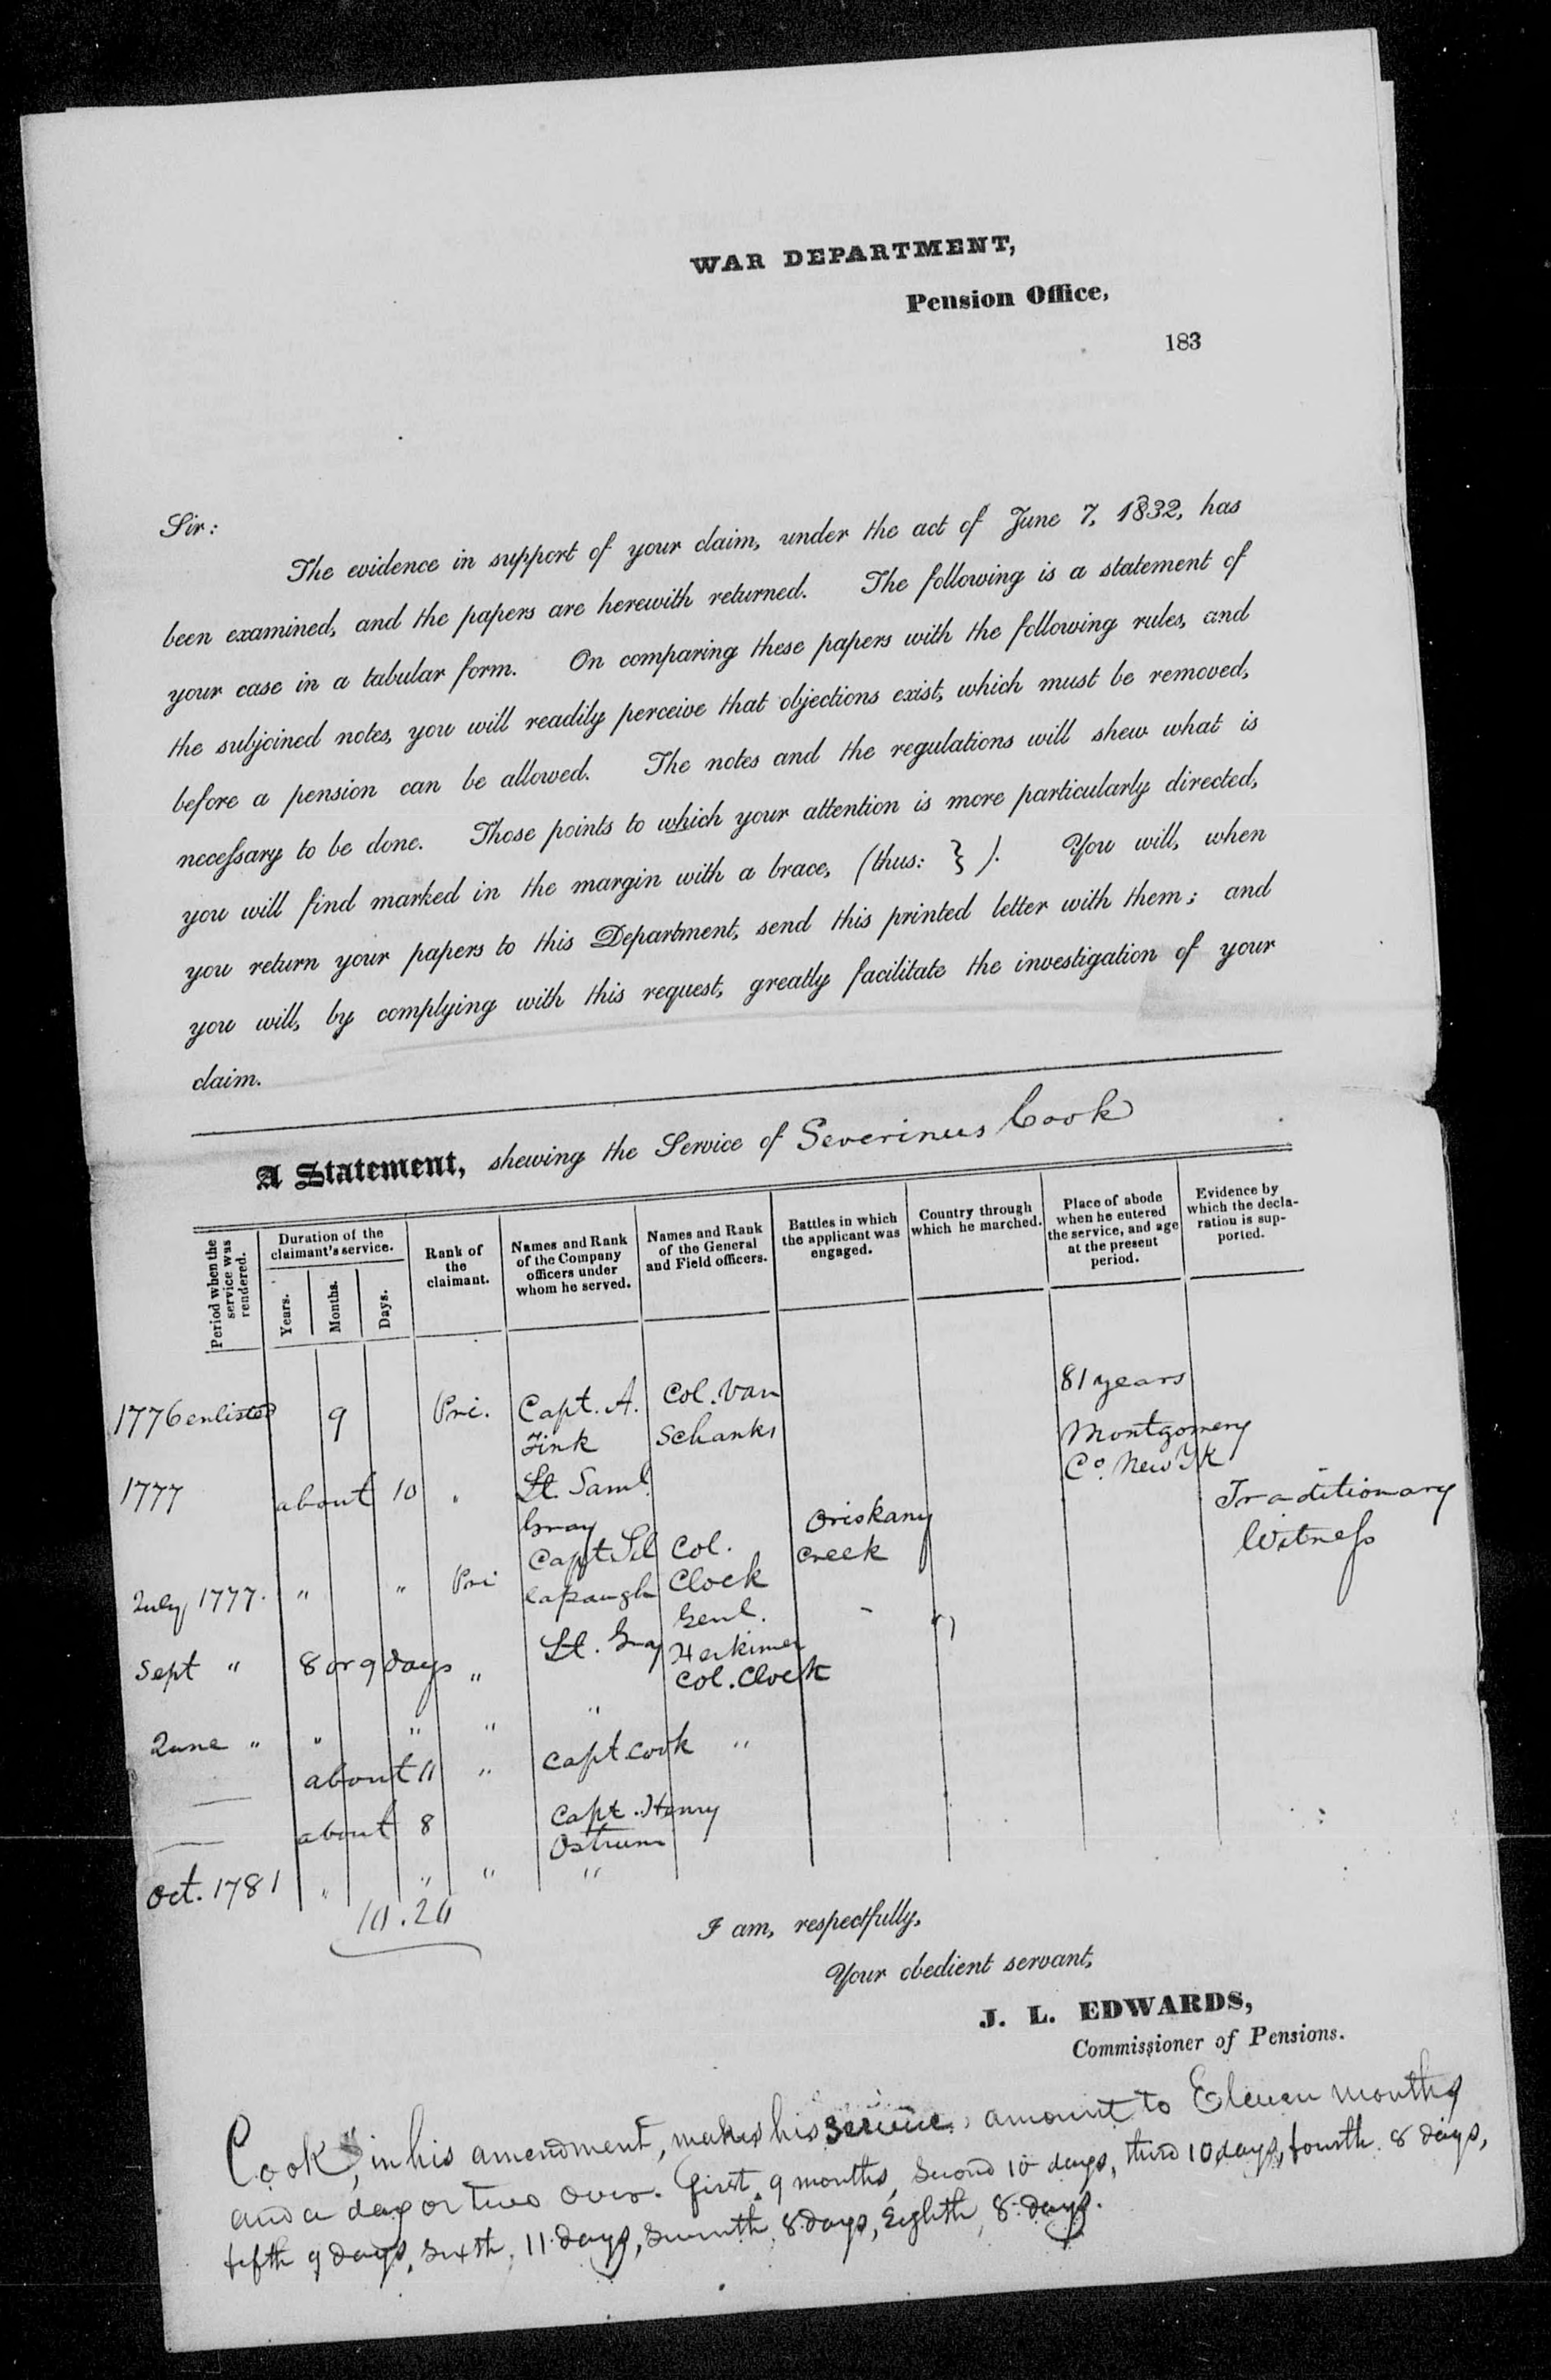War Department,
Pension Office, 183

Sir:
The evidence in support of your claim, under the act of June 7, 1832, has been examined, and the papers are herewith returned. The following is a statement of your case in a tabular form. On comparing these papers with the following rules, and the subjoined notes, you will readily perceive that objections exist, which must be removed, before a pension can be allowed. The notes and the regulations will shew what is necessary to be done. Those points to which your attention is more particularly directed, you will find marked in the margin with a brace, (thus: }). You will, when you return your papers to this Department, send this printed letter with them; and you will, by complying with this request, greatly facilitate the investigation of your claim.

A Statement, shewing the Service of Severinus Cook

1776 enlisted 9 months 
Rank: Private
Served under: Capt A. Fink, Col. Van Schanks
Age: 81 years
Place of abode when entered service: Montgomery Co New Yk
Evidence: Traditionary Witness

1777 about 10 days
Rank: Private
Served under: Lt. Saml Gray
Evidence: Traditionary Witness

July 1777 about 10 days
Rank: Private
Served under: Capt Tillapaugh, Col. Clock
Battle: Oriskany Creek
Evidence: Traditionary Witness

Sept 1777, 8 or 9 days
Rank: Private
Served under: Lt. Gray, Genl Herkimer, Col. Clock
Evidence: Traditionary Witness

Sept 1777, about 11 days
Rank: Private
Served under: Capt Cook, Col. Clock
Evidence: Traditionary Witness

September 1777, about 8 days
Served under: Capt. Henry Ostrum
Evidence: Traditionary Witness

Oct. 1781, about 8 days
Served under Capt. Henry Ostrum
Evidence: Traditionary Witness

Total 10 months, 26 days

I am, respectfull,
Your obedient servant;
J.L. Edwards, Commissioner of Pensions

Cook, in his amendment, makes his service amount to Eleven months and a day or two over first 9 months, second 10 days, third 10 days, fourth 8 days, fifth 9 days, sixth 11 days, seventh 8 days, eighth 8 days.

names: Severinus Cook, Clock, J L Edwards, Van Schanks, Herkimer, Gray, Saml Gray, Clock, Cook, Henry Ostrum, A Fink, Cook, Sellapaugh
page: 13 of 51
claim: survivor's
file: S. 12563, Severinus Cook, New York